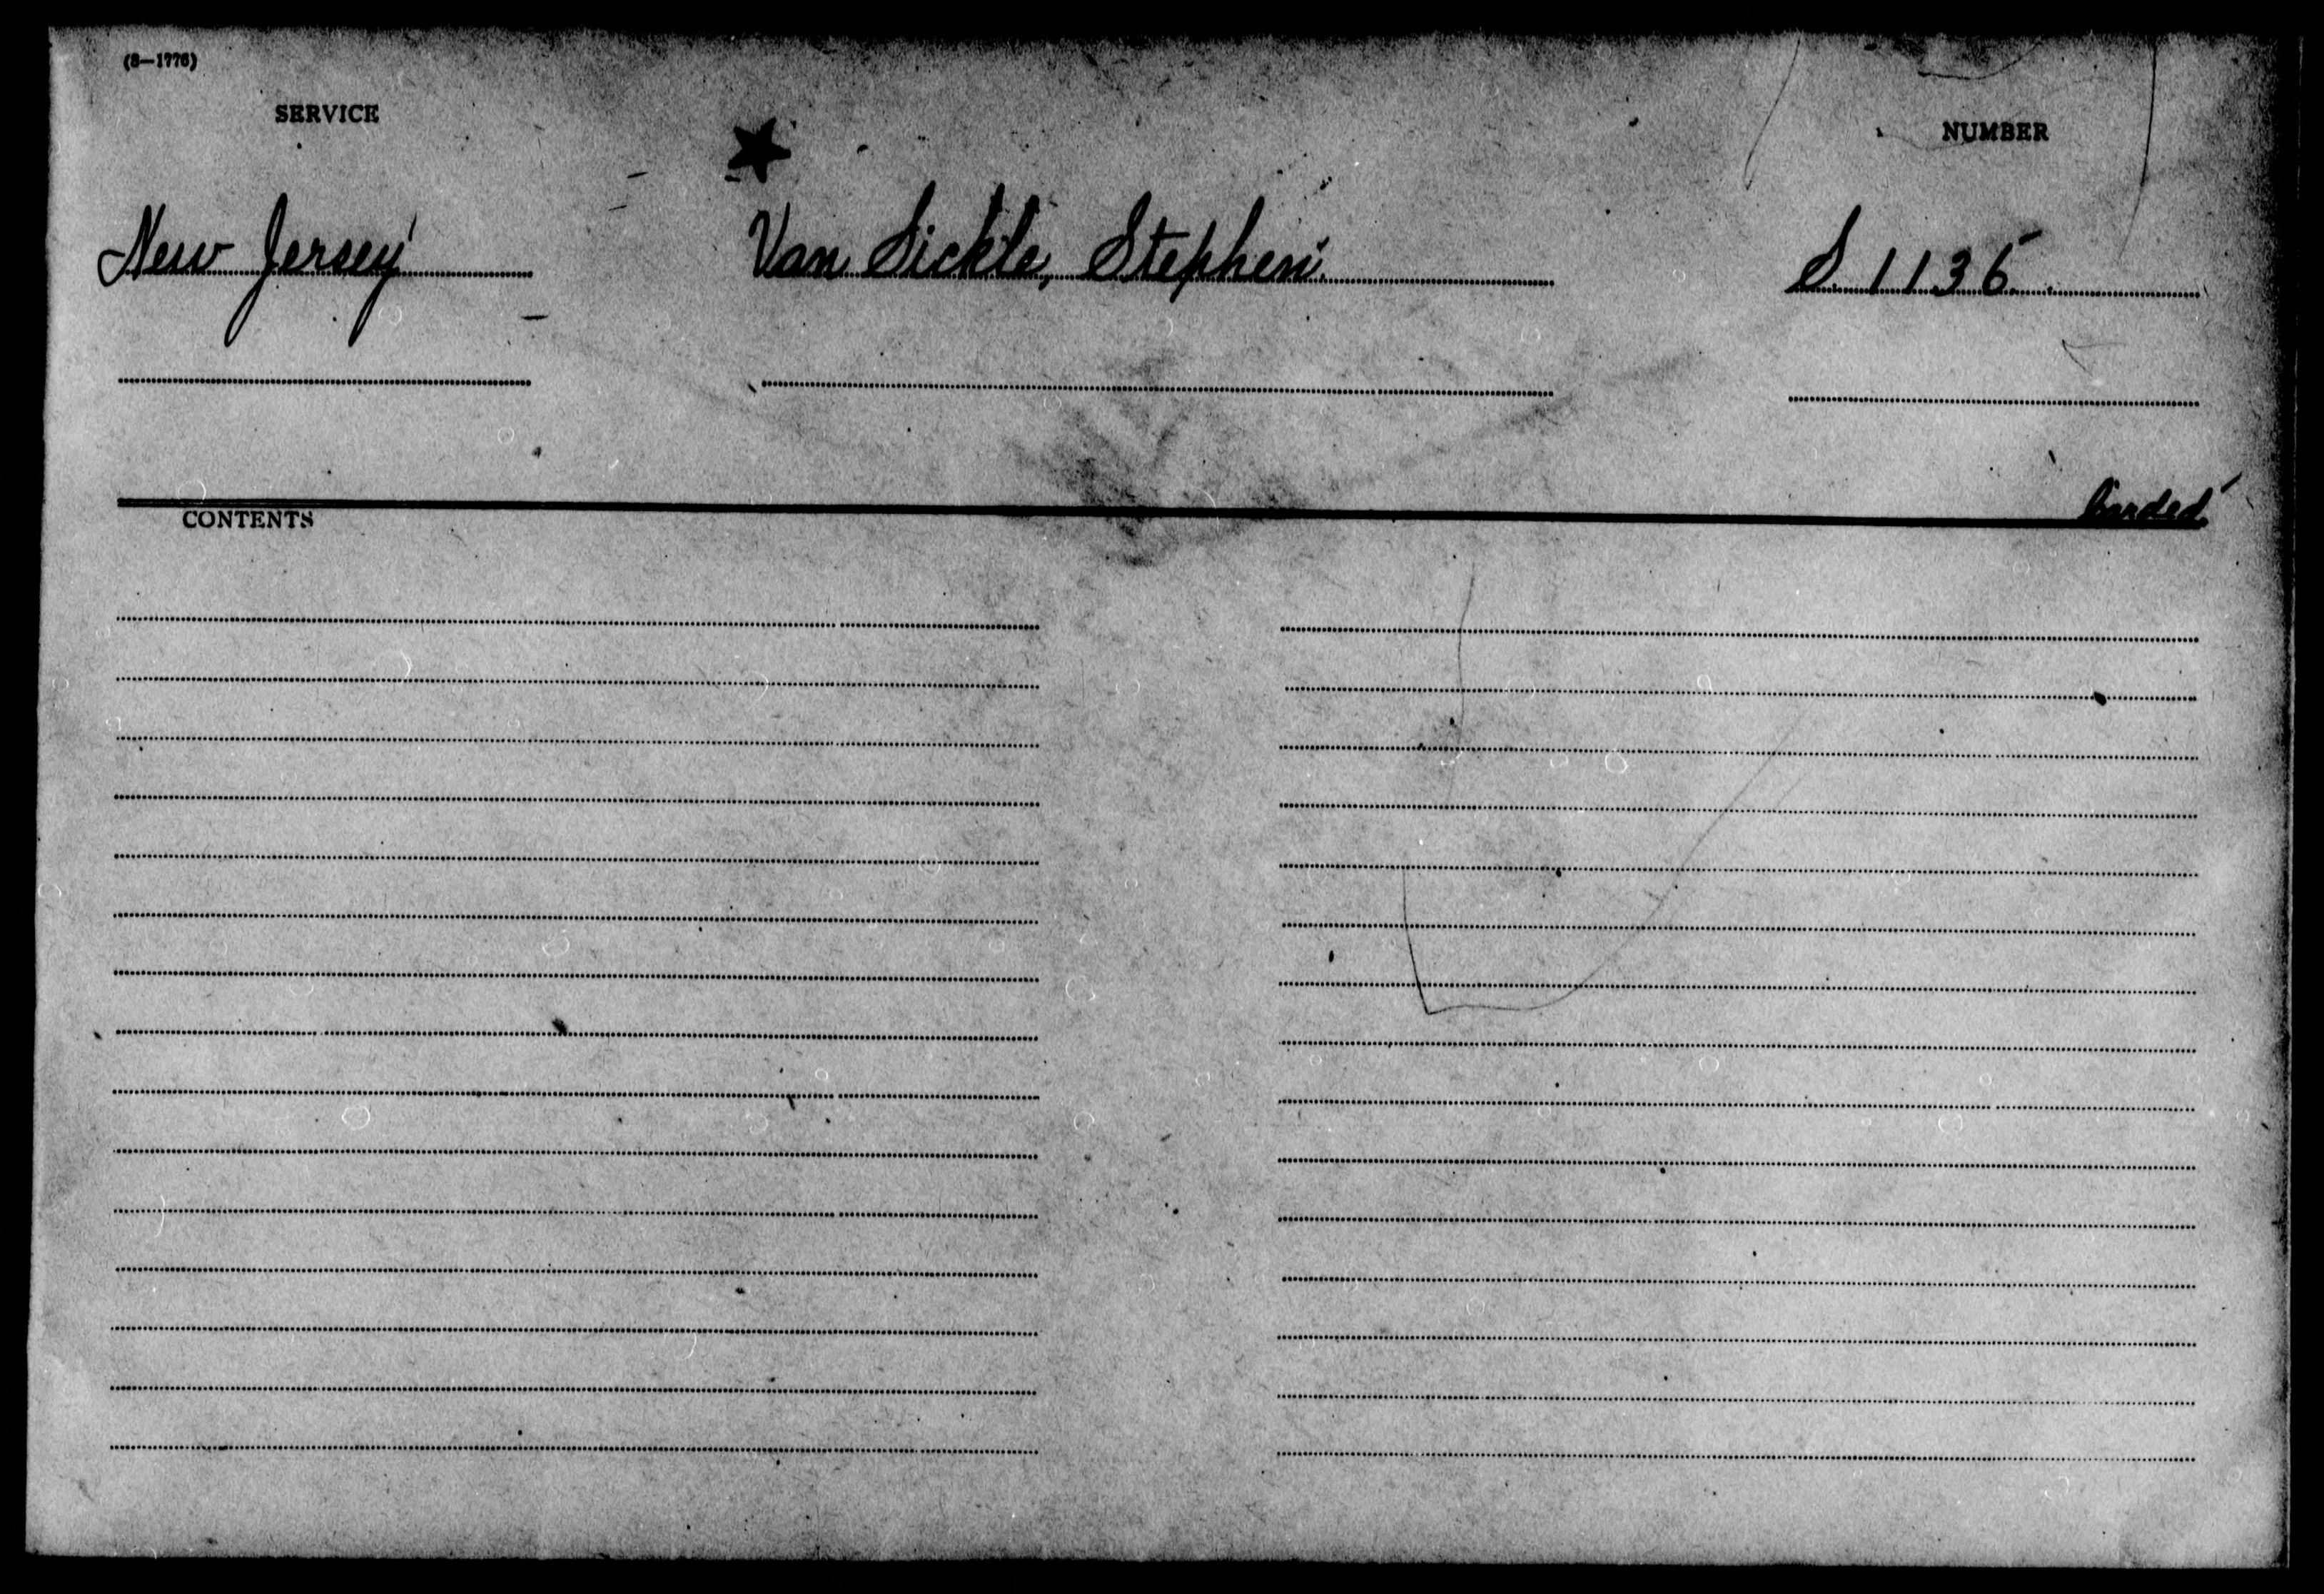(3-1776)

SERVICE | * | NUMBER

New Jersey | Van Sickle Stephen | S. 1136

Carded

CONTENTS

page: 1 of 12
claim: survivor's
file: S. 1136, Stephen Van Sickle, New Jersey